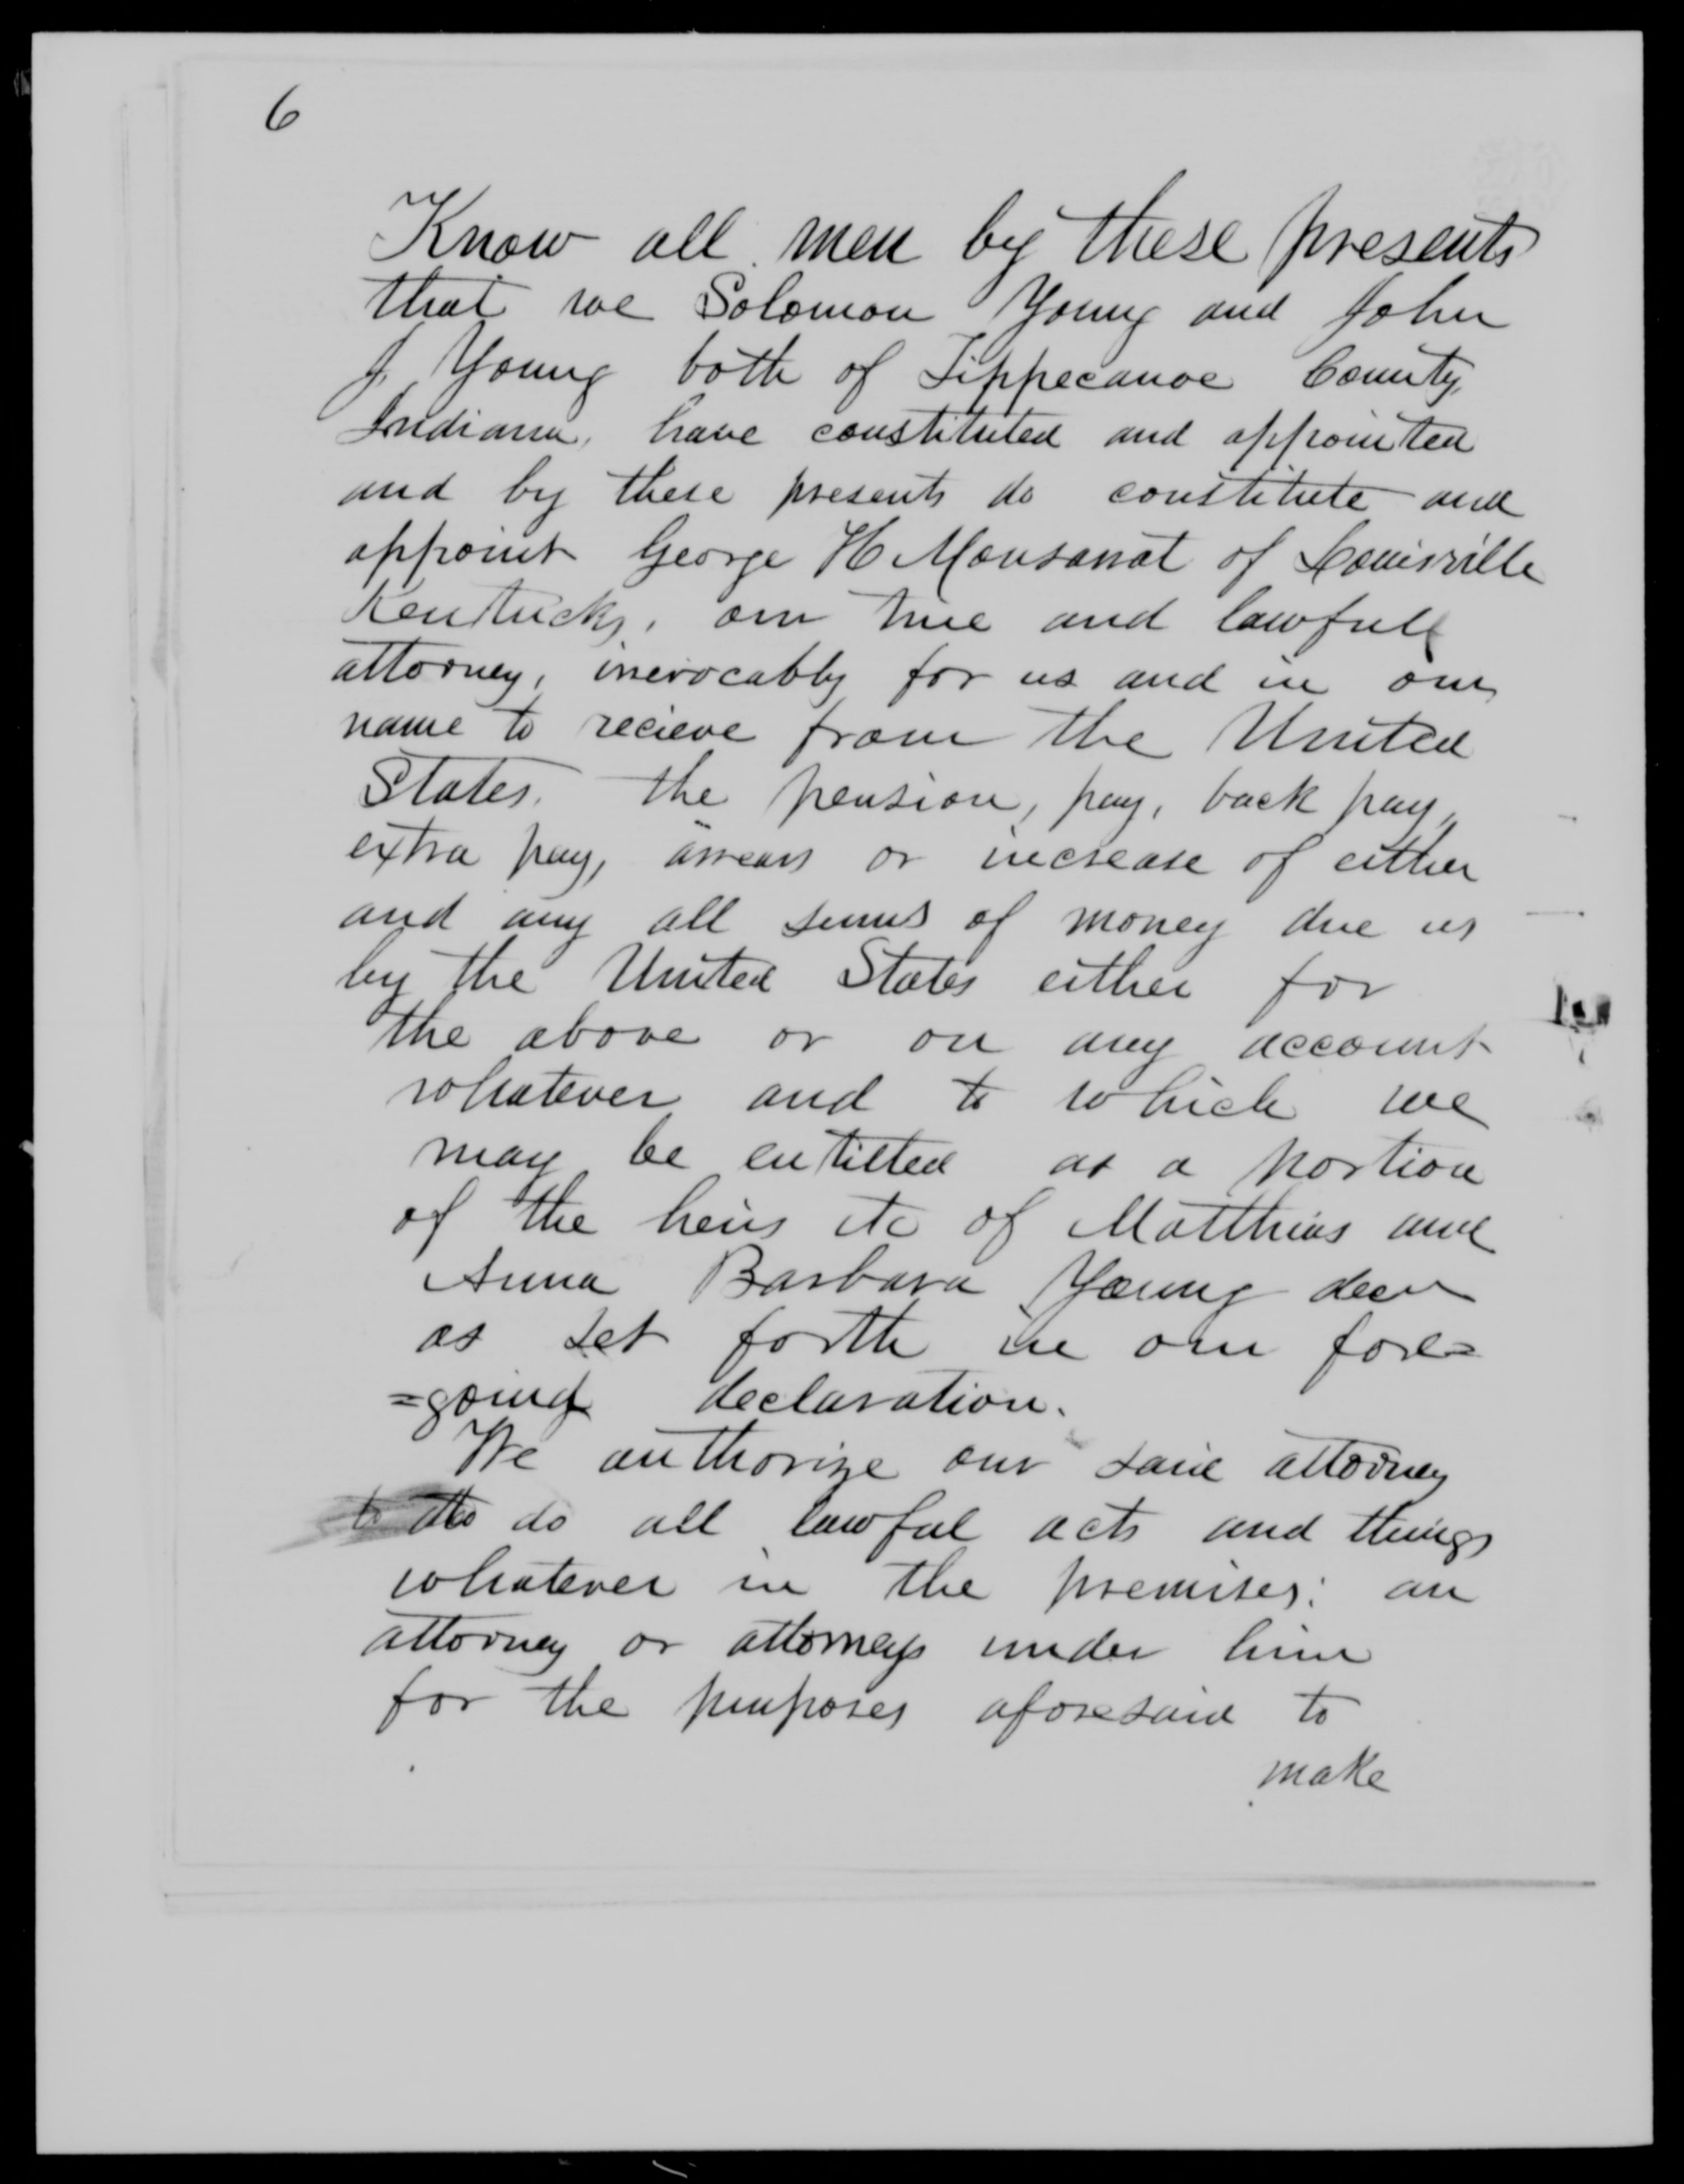6
Know all men by these presents that we Solomon
Young and John J Young both of Tippecanoe County Indiana, have constituted and appointed
and by these presents do constitute and
appoint George H Mousarrat of Louisville
Kentucky, our true and lawful
attorney, irrevocably for us and in our
name to recieve from the United States, the pension, pay, back pay, extra pay, arrears or increase of either and any all sums of money due us
by the United States either for
the above or on any account
whatever and to which we
may be entitled as a portion
of the heirs etc of Matthias and
Anna Barbara Young dec’d, 
as set forth in our foregoing declaration.
We authorize our said attorney
to do all lawful acts and things
whatever in the premises, an
attorney or attorneys under him
for the purposes aforesaid to
make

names: Matthias Young, John J Young, Anna Barbara Young, George H Monsarrat, Solomon Young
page: 111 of 123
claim: rejected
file: R. 11,949, Matthias Young, Md.